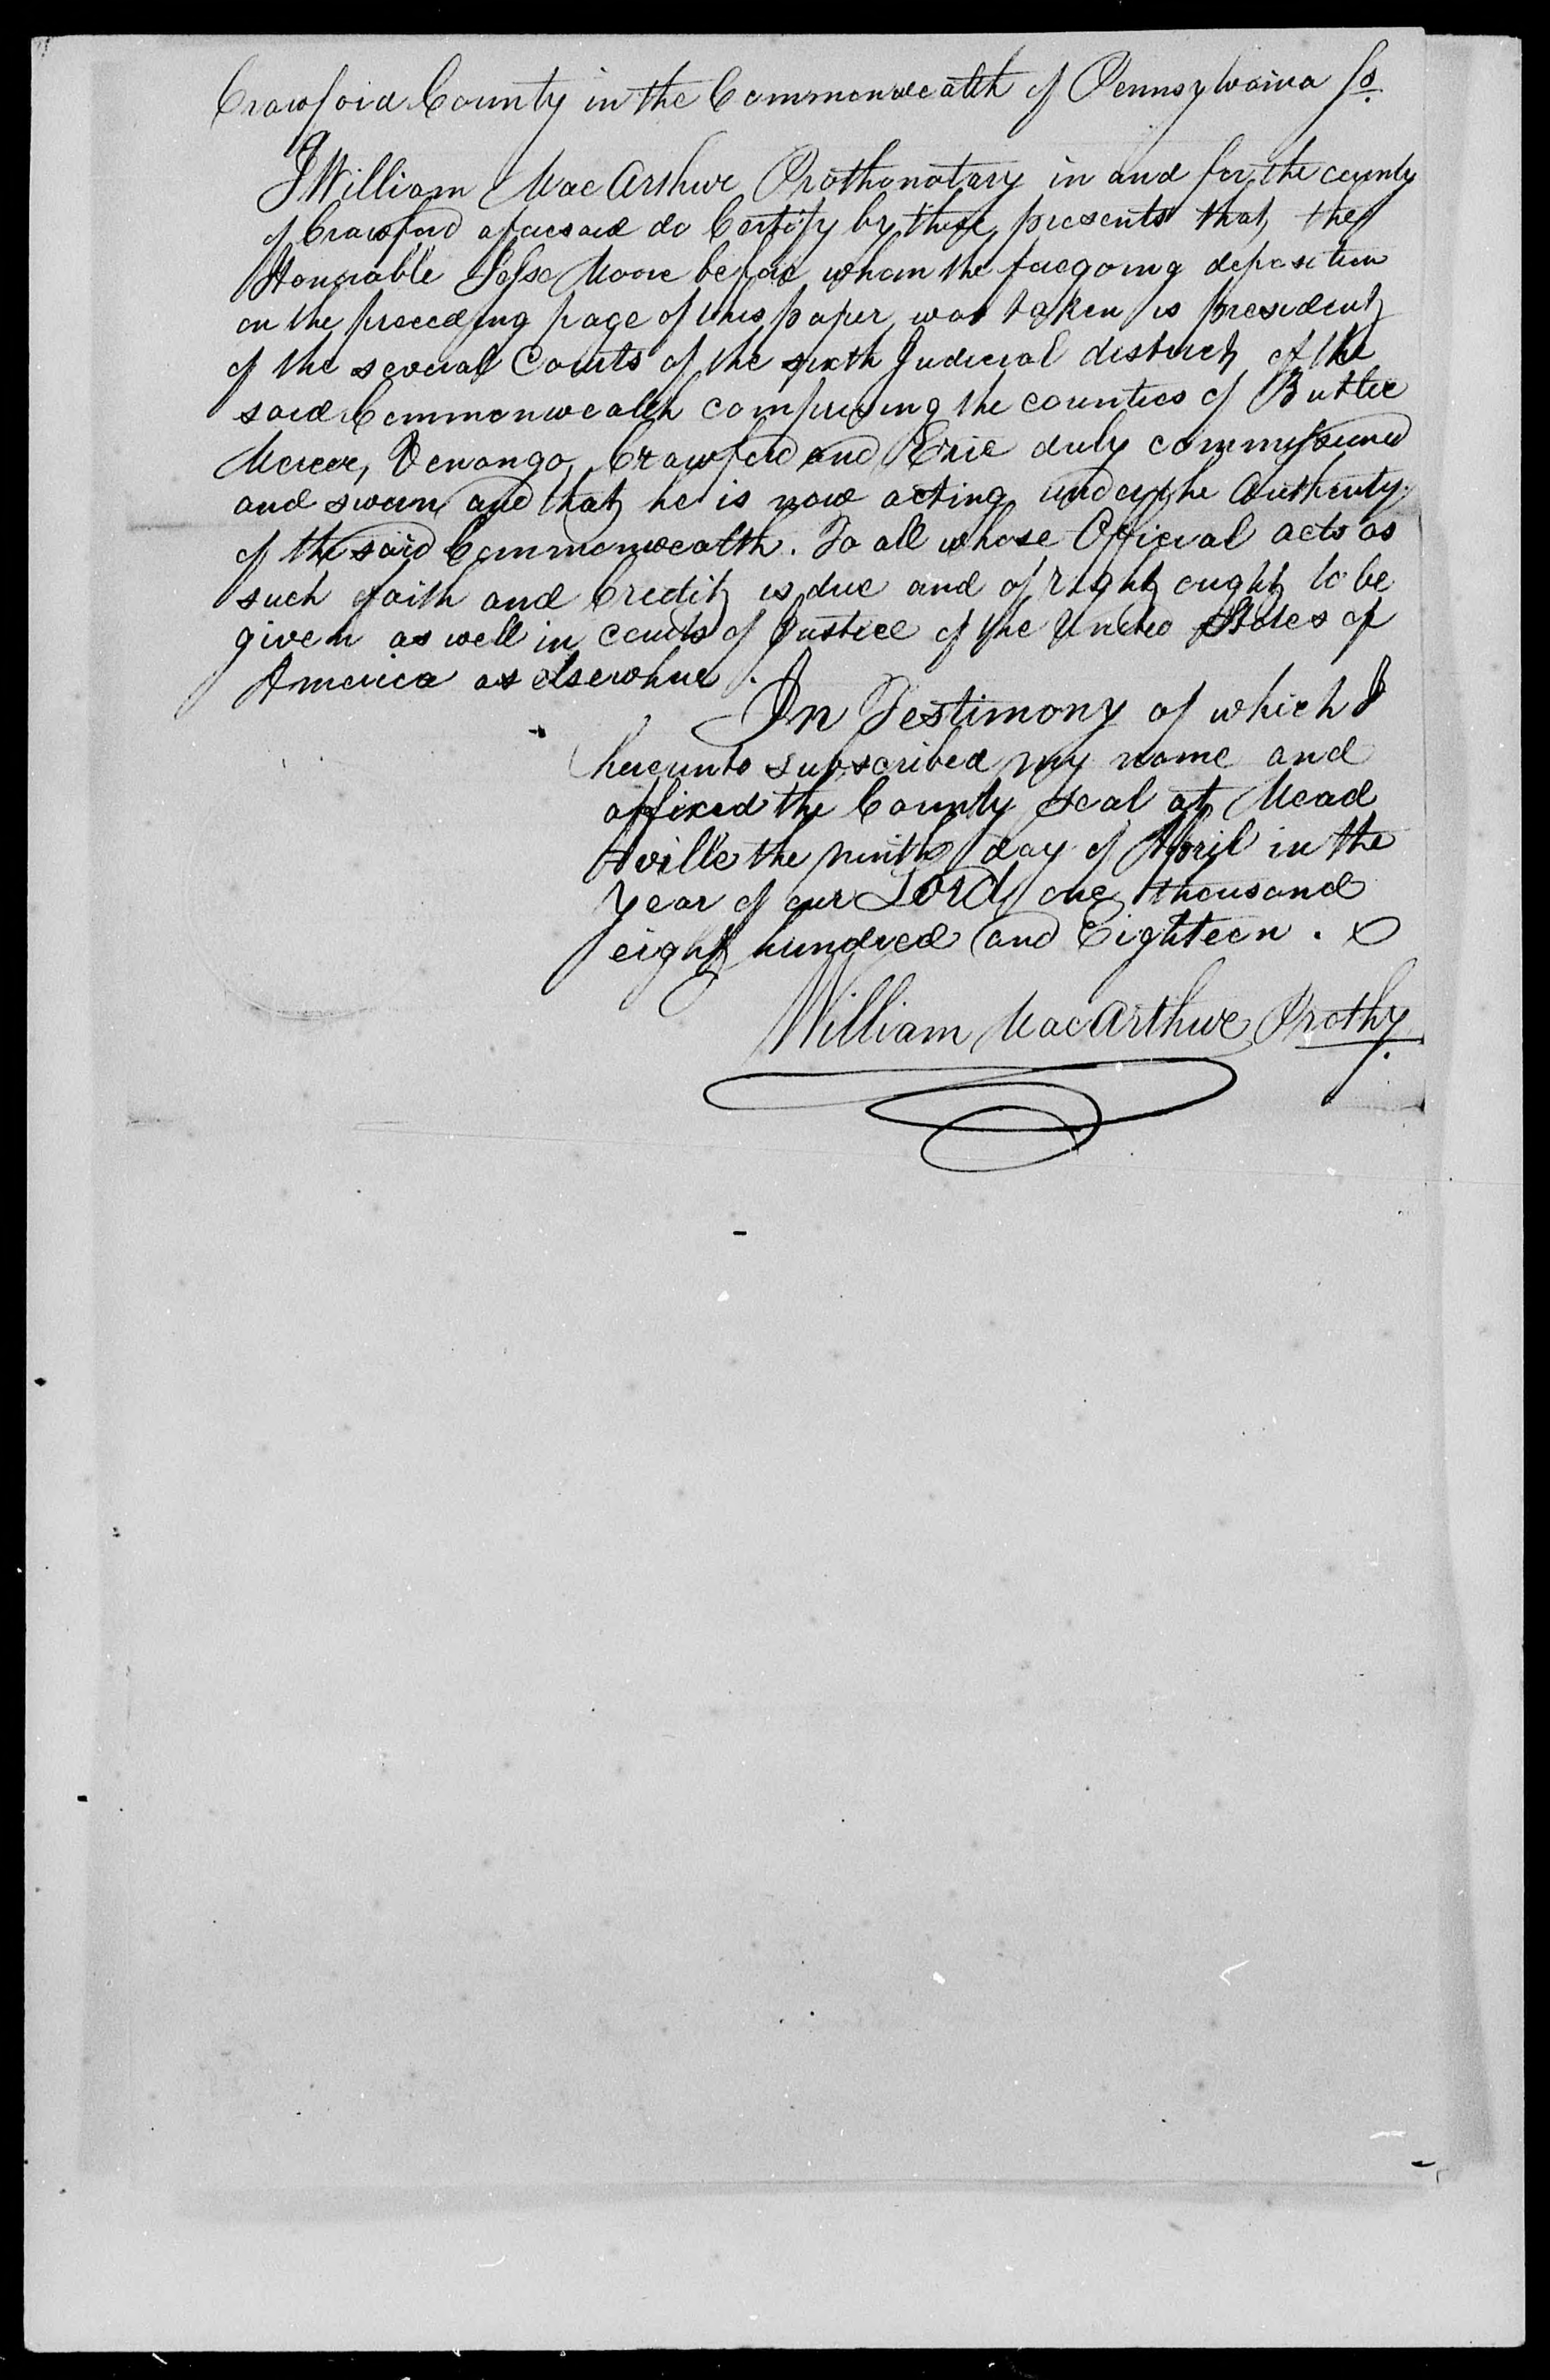Crawford County in the Commonwealth of Pennsylvania ss.

I William Mac Arthur Prothonotary in and for the county of Crawford foresaid do
certify by these presents that the
Honble Jesse Moore before whom the foregoing deposition
in the preceding page of this paper, was taken is president of the several courts of the Sixth Judicial district of the
said Commonwealth comprising the counties of Butler, Mercer, Venango, Crawford and Erie are duly commissioned
and sworn and that he is now acting and the authority of the said Commonwealth. To all whose Official acts as
such faith and credit is due and of right ought to be given as well in courts of Justice of the United States of America as elsewhere.

In Testimony of which I
hereunto subscribed my name and
affixed the County Seal at Meadville the ninth day of April in the
year of our Lord one thousand
eight hundred and Eighteen

William Macarthur, Prothy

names: William Mac Arthur, Jesse Moore, William Mac Arthur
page: 5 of 21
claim: rejected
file: R. 4419, Hugh Haffernan, Penn.